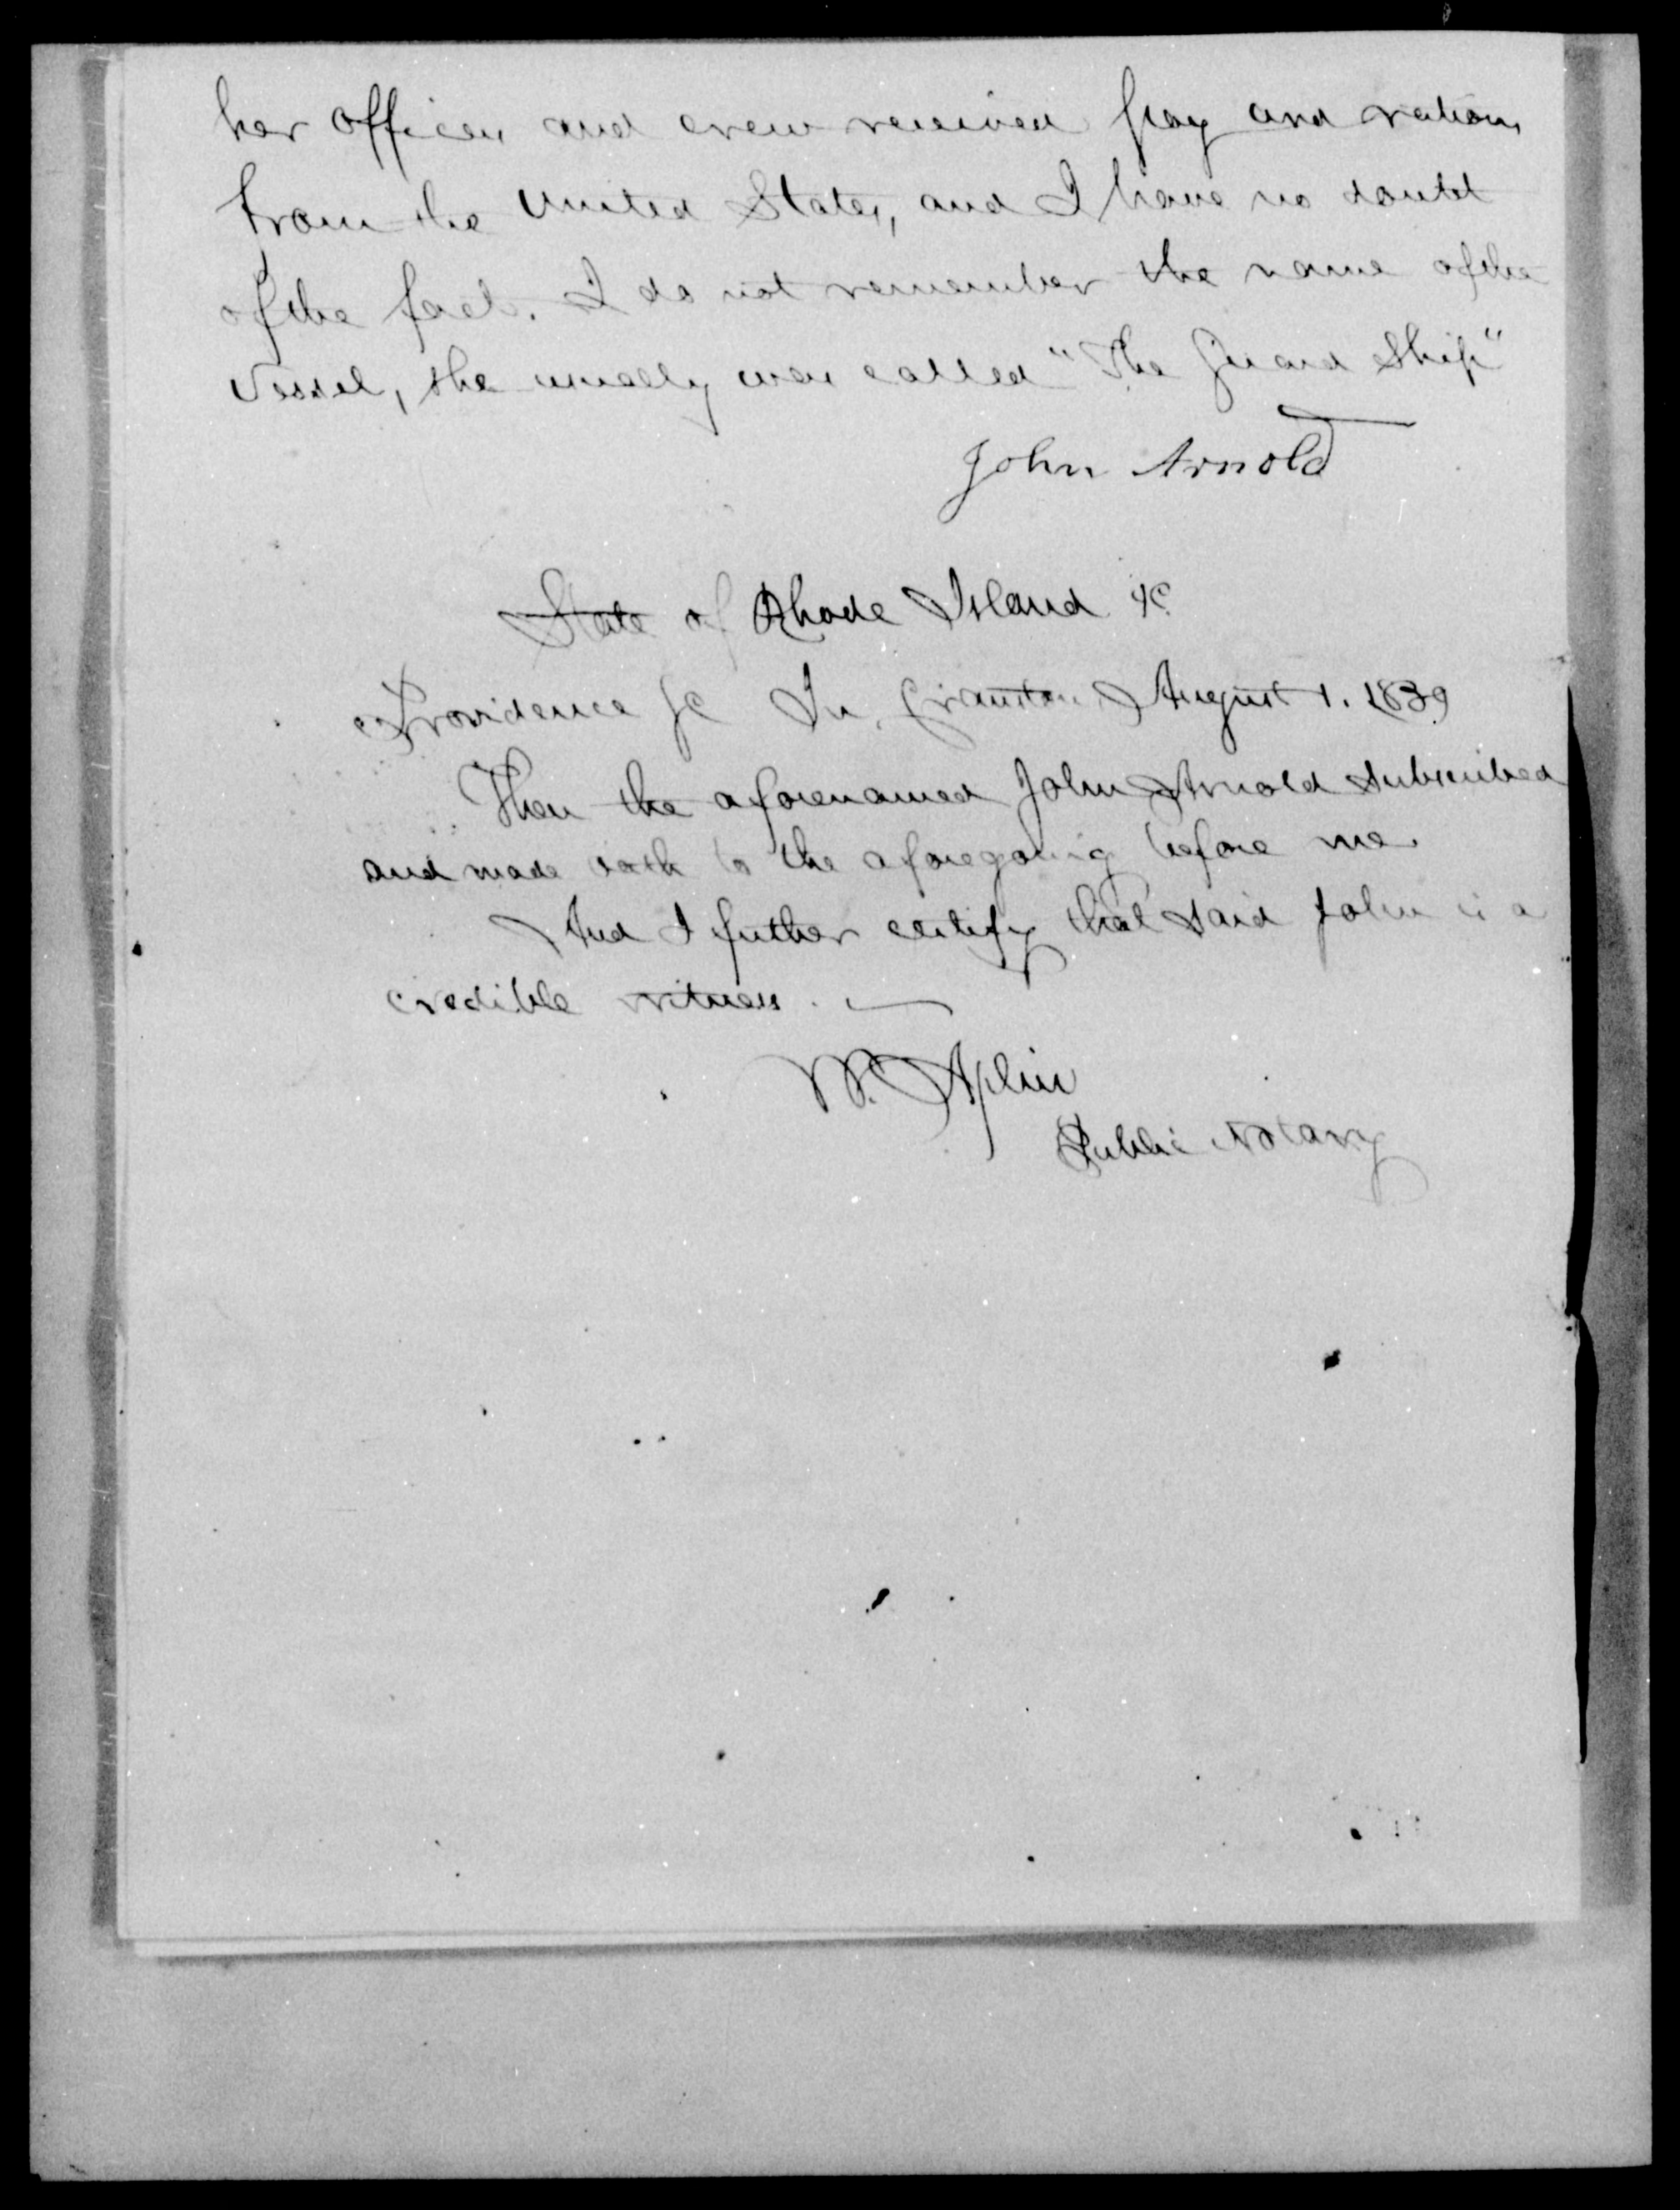her officers and crew received pay and rations from the United States, and I have no doubt of the fact. I do not remember the name of the vessel, she usually was called "The Guard Ship"
John Arnold

State of Rhode Island Jc.
Providence Jc In Cranston August 1, 1839
Then the afore named John Arnold subscribed and made oath in the aforegoing before me.
And I further certify that said John is a credible witness.
W. Ablin
Public Notary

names: W Aplin; John Arnold; John Arnold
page: 33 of 50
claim: widow's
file: W. 22058, for Benjamin Rhodes, Rhode Island